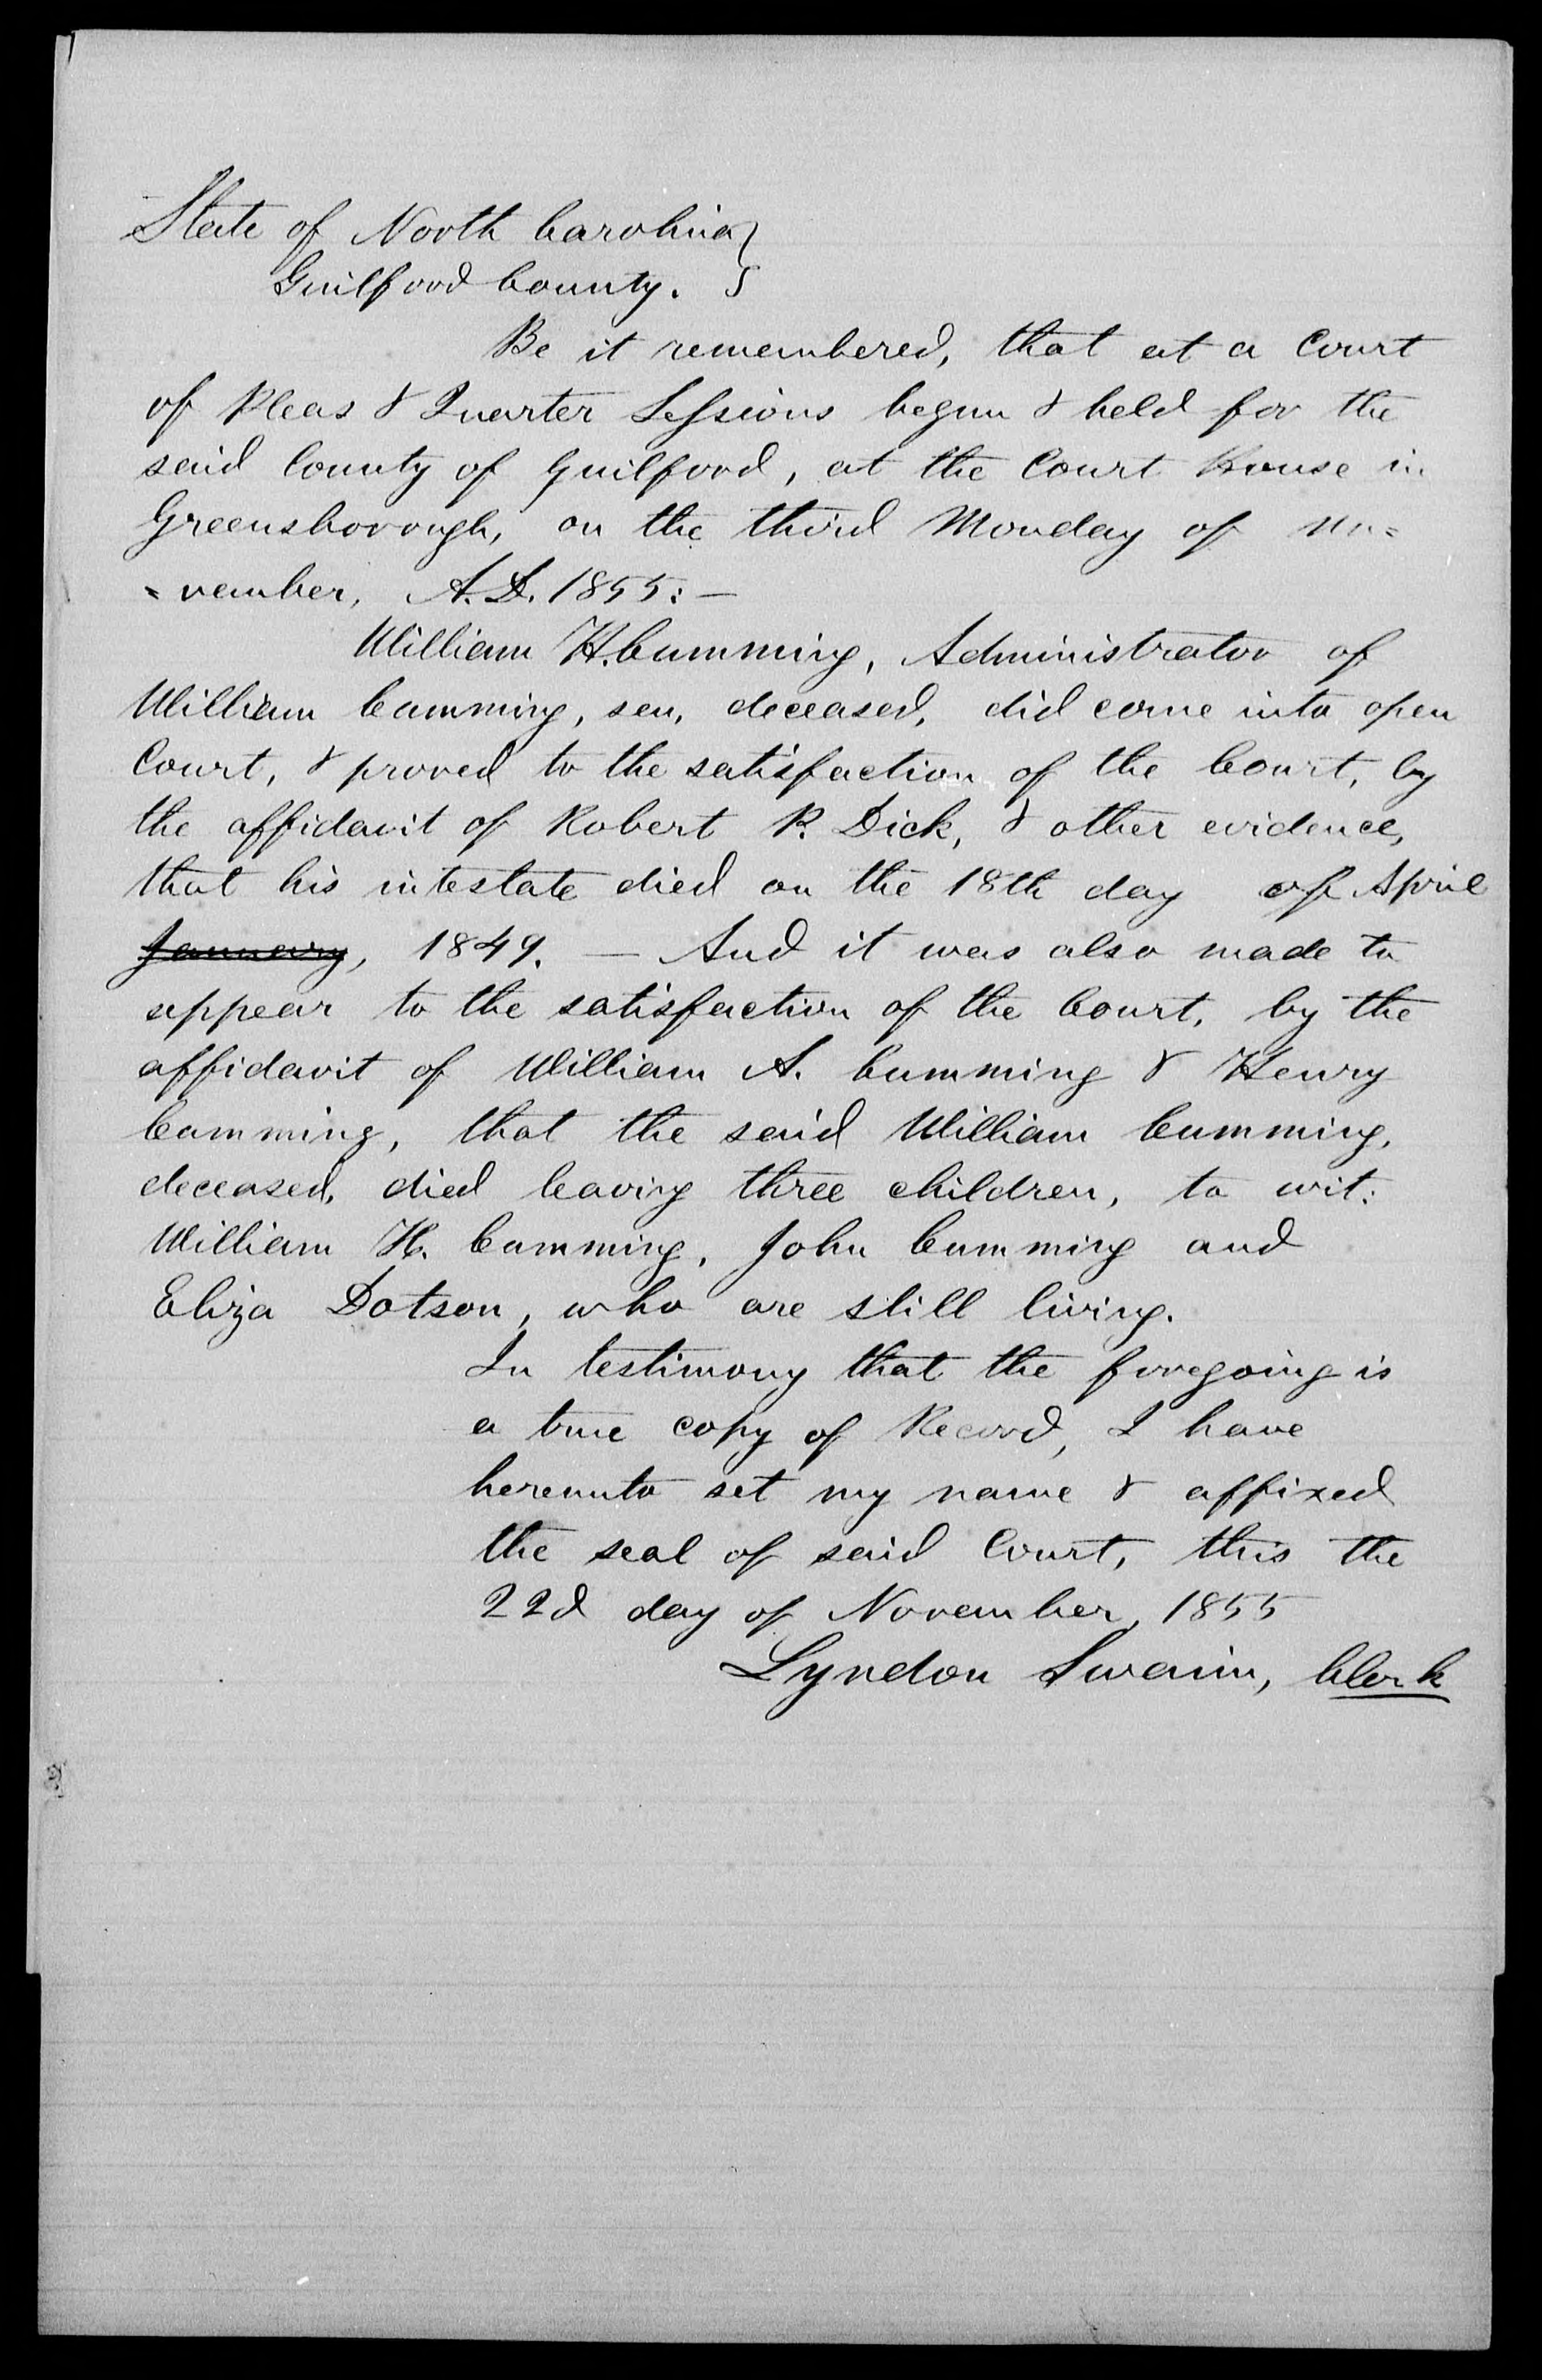[Handwritten record. Occasional spacing has been included to make the text block easier to read.]

State of North Carolina)
Guilford County.)

Be it remembered, that at a Court of Pleas and Quarter Sessions begun and held for the said County of Guilford, at the Court house in Greensborough, on the third Monday of November, A.D. 1855: - 

William H. Cumming, Administrator of William Cumming, sen, deceased, did come into open Court, and proved to the satisfaction of the Court, by the affidavit of Robert P. Dick, and other evidence, that his intestate died on the 18th day of April [here the word "January" was stricken through], 1849. - 

And it was also made to appear to the satisfaction of the Court, by the affidavit of William A. [or S.] Cumming and Henry Cumming, that the said William Cumming, deceased, died leaving three children, two wit:  William H. Cumming, John Cumming and Eliza Dotson, who are still living. 

In testimony that the foregoing is a true copy of Record, I have hereunto set my name and affixed the seal of said Court, this the 22d day of November, 1855

Lyndon Swaim, [here the following word is underlined:] Clerk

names: Henry Cumming, William H Cummings, John Cumming, William Cumming, William A Cumming, William H Cumming, Lyndon Swaim, William Cumming, Robert P Dick, Eliza Dotson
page: 100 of 145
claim: survivor's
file: S. 8265, William Cumming, N.C.